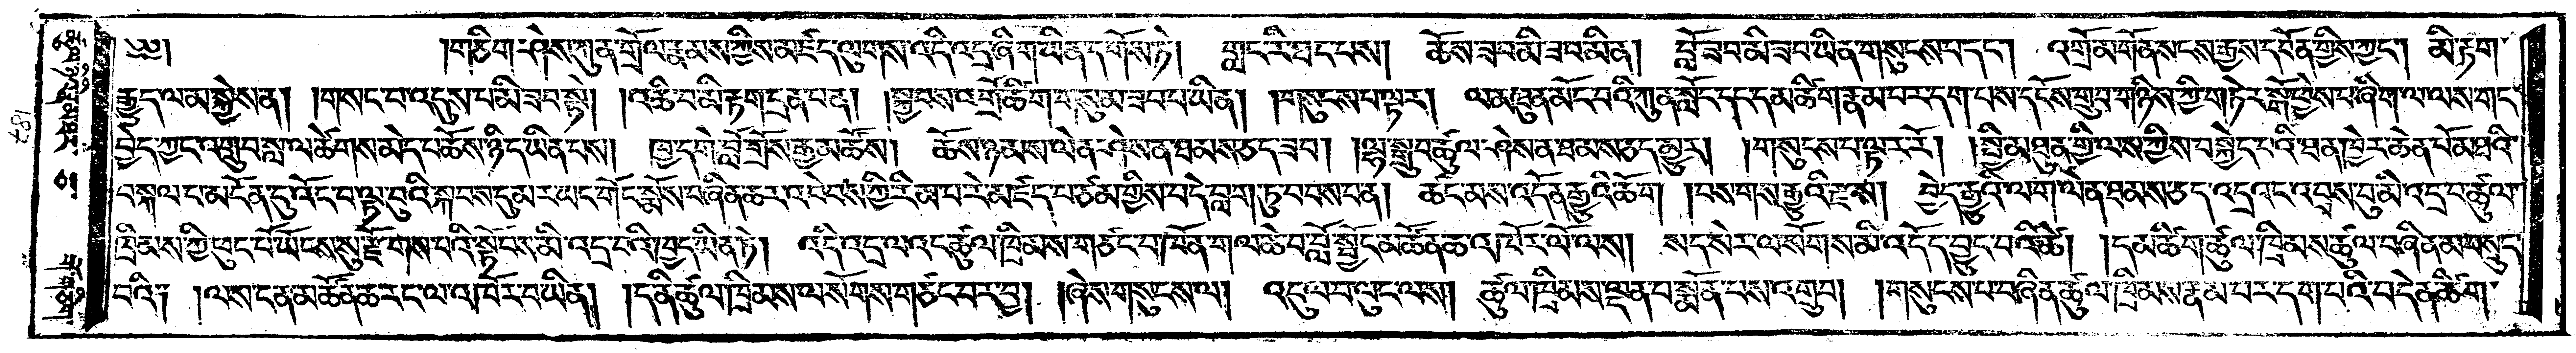༄༅། །གཅིག་ཤེས་ཀུན་གྲོལ་རྣམས་ཀྱིས་མཛད་ལུགས་འདི་འདྲ་ཞིག་ཡིན་དགོས་ཏེ། གླང་རི་ཐང་པས། ཆོས་ཟབ་མི་ཟབ་མིན། བློ་ཟབ་མི་ཟབ་ཡིན་གསུངས་པ་དང་། འགྲོ་མགོན་སངས་རྒྱས་དབོན་གྱིས་ཀྱང་། མི་རྟག་པ་
རྒྱུད་ལམ་སྐྱེས་ན། །གསང་བ་འདུས་པ་མི་ཟབ་སྟེ། །འཆི་བ་མི་རྟག་དྲན་པ་ན། །སྐྱབས་འགྲོ་ཚིག་གསུམ་ཟབ་པ་ཡིན། །གསུངས་པ་ལྟར། ལམ་ཐུན་མོང་བའི་ཀུན་སློང་དང་དམ་ཚིག་རྣམ་པར་དག་པས་དངོས་གྲུབ་གཉིས་ཀྱི་གཏེར་སྒོ་ཕྱེས་པ་ཞིག་ལ་ལས་གང་
བྱེད་ཀྱང་འགྲུབ་སླ་ལ་ཚེགས་མེད་པ་ཆོས་ཉིད་ཡིན་པས། ཁྱད་དགེ་བློ་གྲོས་རྒྱ་མཚོས། ཆོས་ཉམས་ལེན་ཤེས་ན་ཐམས་ཅད་ཟབ། །ལྷ་སྒྲུབ་ཚུལ་ཤེས་ན་ཐམས་ཅད་མྱུར། གསུངས་པ་ལྟར་རོ། །སྤྱི་མཐུན་གྱི་ལས་ཀྱི་བསྐྱེད་པའི་ཐན་ཁྱེར་ཆེན་པོ་མཐའི་
བསྐལ་པ་མངོན་དུ་འོང་བ་ལྟ་བུའི་སྐབས་དུ་མར་ཡང་གོང་སྨོས་བཞིན་ཆར་འབེབས་ཀྱི་རིམ་པ་རེ་མཛད་པ་ཙམ་གྱིས་བདེ་བླག་ཏུ་བབས་པ་ན། ཚང་མས་འདོན་རྒྱུའི་ཆོ་ག །བསགས་རྒྱུའི་རྫས། བྱེད་རྒྱུའི་ལག་ལེན་ཐམས་ཅད་འདྲའང་འབྲས་བུ་མི་འདྲ་བ་ཚུལ་
ཁྲིམས་ཀྱི་ཕུང་པོ་ཡོངས་སུ་རྫོགས་པའི་སྟོབས་མི་འདྲ་བའི་ཁྱད་ཡིན་ཏེ། འདི་འདྲ་ལའང་ཚུལ་ཁྲིམས་གཙང་པ་ཁོ་གལ་ཆེ་བ་བློ་སྦྱོང་མཚོན་ཆ་འཁོར་ལོ་ལས། སད་སེར་ལ་སོགས་མི་འདོད་བྱུང་བའི་ཚེ། །དམ་ཚིག་ཚུལ་ཁྲིམས་ཚུལ་བཞིན་མ་བསྲུང་
བའི༑ །ལས་ངན་མཚོན་ཆ་རང་ལ་འཁོར་བ་ཡིན། །ད་ནི་ཚུལ་ཁྲིམས་ལ་སོགས་གཙང་བར་བྱ། །ཞེས་གསུངས་ལ། འདུལ་བ་ལུང་ལས། ཚུལ་ཁྲིམས་ལྡན་པ་སྨོན་པས་འགྲུབ། །གསུངས་པ་བཞིན་ཚུལ་ཁྲིམས་རྣམ་པར་དག་པའི་བདེན་ཚིག་